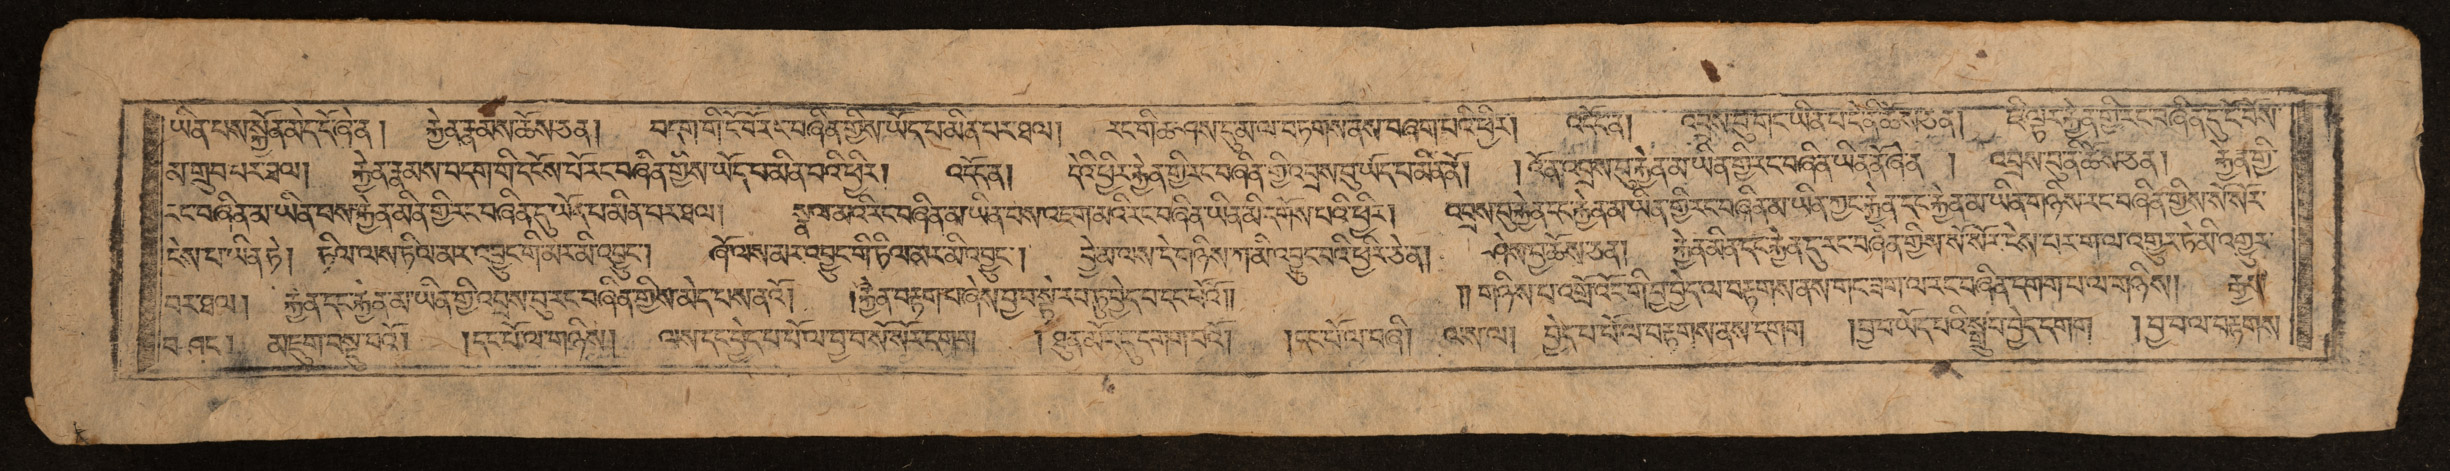ཡིན་པས་སྐྱོན་མེད་དོ་ཞེ་ན། རྐྱེན་རྣམས་ཆོས་ཅན། བདག་གི་ངོ་བོ་རང་བཞིན་གྱིས་ཡོད་པ་མིན་པར་ཐལ། རང་གི་ཆ་ཤས་དུ་མ་ལ་བཏགས་ནས་བཞག་པའི་ཕྱིར། འདོད་ན། འབྲས་བུ་གང་ཡིན་པ་དེ་ནི་ཆོས་ཅན། ཇི་ལྟར་རྐྱེན་གྱི་རང་བཞིན་དུ་ངོ་བོས་
མ་གྲུབ་པར་ཐལ། རྐྱེན་རྣམས་བདག་གི་དངོས་པོ་རང་བཞིན་གྱིས་ཡོད་པ་མིན་པའི་ཕྱིར། འདོད་ན། དེའི་ཕྱིར་རྐྱེན་གྱི་རང་བཞིན་གྱི་འབྲས་བུ་ཡོད་པ་མིན་ནོ། །འོ་ན་འབྲས་བུ་རྐྱེན་མ་ཡིན་གྱི་རང་བཞིན་ཡིན་ནོ་ཞེ་ན། འབྲས་བུ་ནི་ཆོས་ཅན། རྐྱེན་གྱི་
རང་བཞིན་མ་ཡིན་པས་རྐྱེན་མིན་གྱི་རང་བཞིན་དུ་ཡོད་པ་མིན་པར་ཐལ། སྣལ་མའི་རང་བཞིན་མ་ཡིན་པས་འཇག་མའི་རང་བཞིན་ཡིན་མི་དགོས་པའི་ཕྱིར། འབྲས་བུ་རྐྱེན་དང་རྐྱེན་མ་ཡིན་གྱི་རང་བཞིན་མ་ཡིན་ཀྱང་མ་ཡིན་གཉིས་རང་བཞིན་གྱིས་སོ་སོར་
ངེས་པ་ཡིན་ཏེ། ཏིལ་ལས་ཏིལ་མར་འབྱུང་གི་མར་མི་འབྱུང་། ཞོ་ལས་མར་འབྱུང་གི་ཏིལ་མར་མི་འབྱུང་། བྱེ་མ་ལས་དེ་གཉིས་ཀ་མི་འབྱུང་བའི་ཕྱིར་ཅེ་ན། ཤེས་བྱ་ཆོས་ཅན། རྐྱེན་མིན་དང་རྐྱེན་དུ་རང་བཞིན་གྱིས་སོ་སོར་ངེས་པར་ག་ལ་འགྱུར་ཏེ་མི་འགྱུར་
བར་ཐལ། རྐྱེན་དང་རྐྱེན་མ་ཡིན་གྱི་འབྲས་བུ་རང་བཞིན་གྱིས་མེད་པས་ནའོ། །རྐྱེན་བརྟག་པ་ཞེས་བྱ་བ་སྟེ་རབ་ཏུ་བྱེད་པ་དང་པོའོ།། །།གཉིས་པ་འགྲོ་འོང་གི་བྱ་བྱེད་ལ་བརྟགས་ནས་གང་ཟག་ལ་རང་བཞིན་དགག་པ་ལ་གཉིས། རྒྱས་
བཤད། མཇུག་བསྡུ་བའོ། །དང་པོ་ལ་གཉིས། ལས་དང་བྱེད་པ་པོ་ལ་བྱ་བ་སོ་སོར་དགག །ཐུན་མོང་དུ་དགག་པའོ། །དང་པོ་ལ་བཞི། ལས་ལ། བྱེད་པ་པོ་ལ་བརྟགས་ནས་དགག །བྱ་བ་ཡོད་པའི་སྒྲུབ་བྱེད་དགག །བྱ་བ་ལ་བརྟགས་